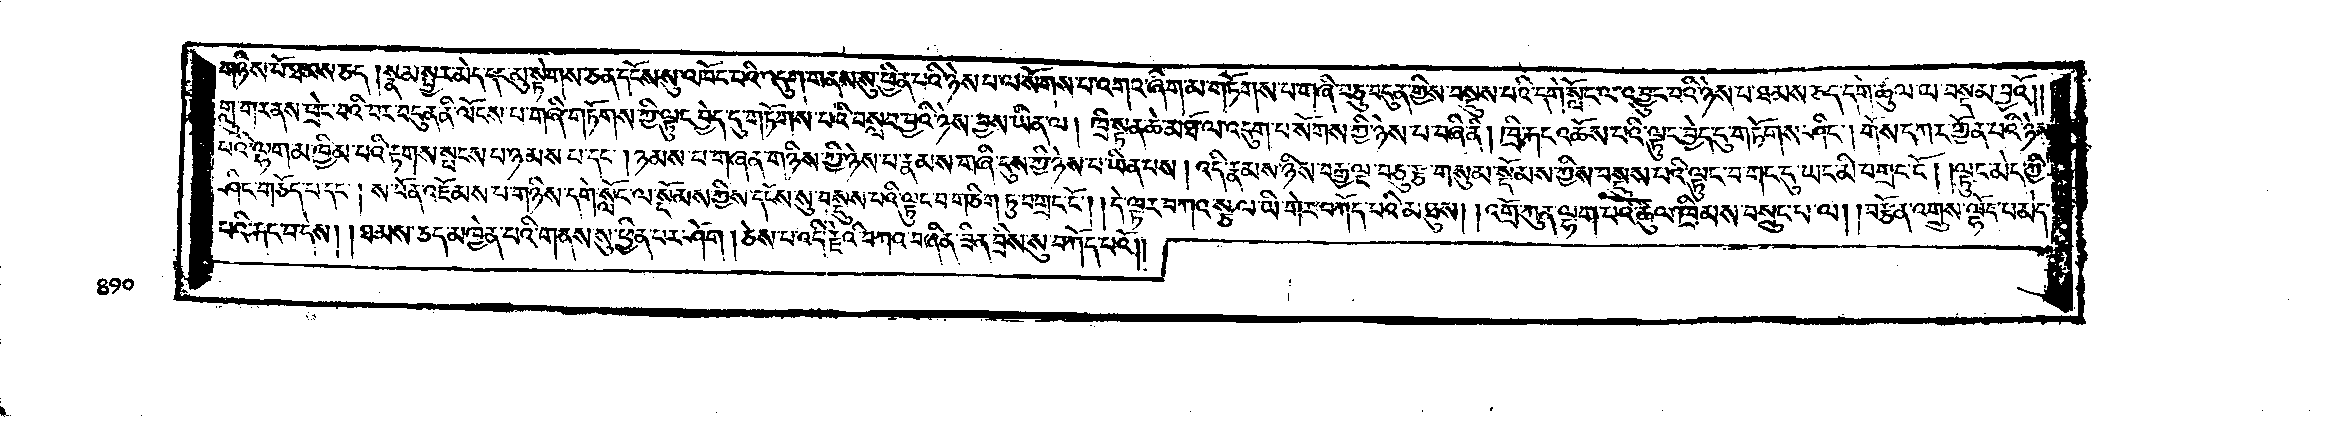གཉིས་པོ་ཐམས་ཅད། སྣམ་སྤྱར་མེད་དང་མུ་སྟེགས་ཅན་དངོས་སུ་འཁོད་པའི་འདུག་གནས་སུ་ཕྱིན་པའི་ཉེས་པ་ལ་སོགས་པ་འགའ་ཞིག་མ་གཏོགས་པ་གཞི་བཅུ་བདུན་གྱིས་བསྡུས་པའི་དགེ་སློང་ལ་འབྱུང་བའི་ཉེས་པ་ཐམས་ཅད་དགེ་ཚུལ་ལ་བསྡམ་བྱའོ།།
གླུ་གར་ནས་ཕྲེང་བའི་བར་བདུན་ནི་ལོངས་པ་གཞི་གཏོགས་ཀྱི་ལྟུང་བྱེད་དུ་གཏོགས་པའི་བསླབ་བྱའི་ཉེས་བྱས་ཡིན་ལ། ཁྲི་སྟན་ཆེ་མཐོ་ལ་འདུག་པ་སོགས་ཀྱི་ཉེས་པ་བཞི་ནི། ཁྲི་རྐང་འཆོས་པའི་ལྟུང་བྱེད་དུ་གཏོགས་ཤིང་། གོས་དཀར་གྱོན་པའི་ཉེས་
པའི་ལྷག་མ་ཁྱིམ་པའི་རྟགས་སྤངས་པ་ཉམས་པ་དང་། ཉམས་པ་གཞན་གཉིས་ཀྱི་ཉེས་པ་རྣམས་གཞི་དུས་ཀྱི་ཉེས་པ་ཡིན་པས། འདི་རྣམས་ཉིས་བརྒྱ་ལྔ་བཅུ་རྩ་གསུམ་སྡོམས་ཀྱིས་བསྡུས་པའི་ལྟུང་བ་གང་དུ་ཡང་མི་བགྲང་ངོ། །ལྟུང་མེད་ཀྱི་
ཤིང་གཅོད་པ་དང་། ས་བོན་འཇོམས་པ་གཉིས་དགེ་སློང་ལ་སྡོམས་ཀྱིས་དངོས་སུ་བསྡུས་པའི་ལྟུང་བ་གཅིག་ཏུ་བགྲང་ངོ། །དེ་ལྟར་བཀའ་སྩལ་ཡི་གེར་བཀོད་པའི་མཐུས། །འགྲོ་ཀུན་ལྷག་པའི་ཚུལ་ཁྲིམས་བསྲུང་པ་ལ། །བརྩོན་འགྲུས་ལྷོད་པ་མེད་
པའི་རྐང་བ་དེས། །ཐམས་ཅད་མཁྱེན་པའི་གནས་སུ་ཕྱིན་པར་ཤོག །ཅེས་པ་འདི་རྗེའི་བཀའ་བཞིན་ཟིན་བྲིས་སུ་བཀོད་པའོ།།